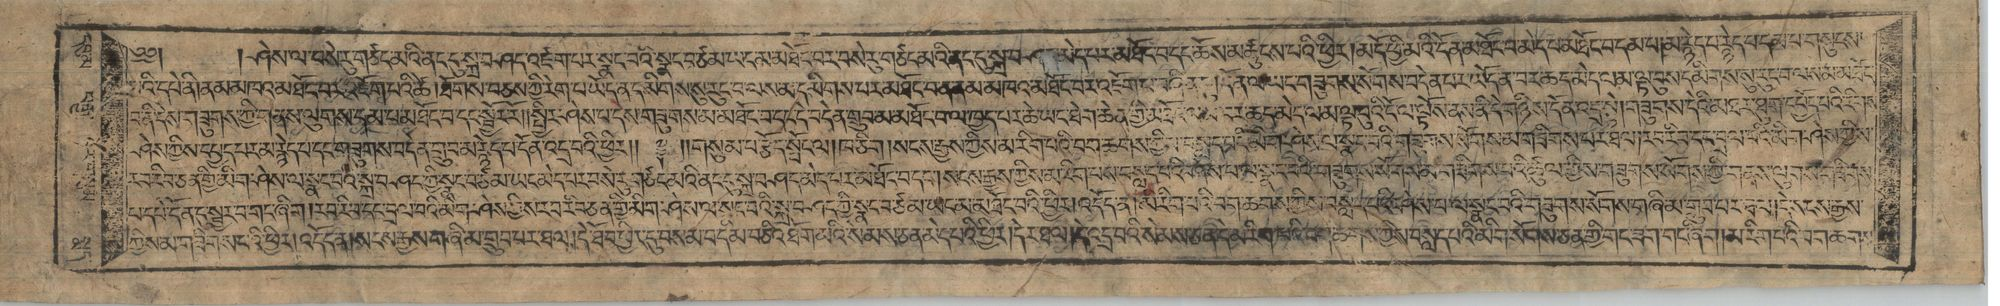༄༅། །ཤེས་ལ་བསེ་རུ་གཙང་མའི་ནང་དུ་སྐྲ་བཤད་འཇིག་པར་སྣང་བའི་སྣང་བ་ཙམ་ཡང་མ་མཐོང་བར་བསེ་རུ་གཙང་མའི་ནང་དུ་སྐྲ་བཤད་མེད་པར་མཐོང་བ་དང་ཆོས་མཚུངས་པའི་ཕྱིར། མདོ་ཕྱི་མའི་དོན་མཐོང་བ་མེད་པ་མཐོང་བ་དམ་པ། མ་རྙེད་པ་རྙེད་པ་དམ་པ་གསུངས་
པའི་དཔེ་ནི། ནམ་མཁའ་མཐོང་བར་འཇོག་པའི་ཚེ། ཐོགས་བཅས་ཀྱི་རེག་པ་ཡོད་ན་དམིགས་སུ་རུང་བ་ལས་མ་དམིགས་པར་མཐོང་བ་ན་ནམ་མཁའ་མཐོང་བར་འཇོག་པ་བཞིན་དུ། དོན་ལ་ཡང་གཟུགས་སོགས་བདེན་པར་ཡོད་ན་བར་ཆད་མེད་ལམ་ལྟ་བུས་དམིགས་སུ་རུང་བ་ལས་མ་མཐོང་
བ་ནི་དེས་གཟུགས་ཀྱི་གནས་ལུགས་དམ་པ་མཐོང་བ་དང་སྦྱོར་རོ། །སྤྱིར་ཤེས་པ་དེས་གཟུགས་མ་མཐོང་བ་དང་དེ་བདེན་གྲུབ་མ་མཐོང་བ་ལ་ཁྱད་པར་ཆེ་ཡང་ཐེག་ཆེན་གྱི་མཐོང་ལམ་བར་ཆད་མེད་ལམ་ལྟ་བུའི་དོ་ལ་ལྟོས་ནས་ནི་དེ་གཉིས་དོན་འདྲ་སྟེ། གཟུགས་དེའི་མཐར་ཐུག་དཔྱོད་པའི་རིགས་
ཤེས་ཀྱིས་དཔྱད་པར་མ་རྙེད་པ་དང་གཟུགས་བདེན་གྲུབ་མ་རྙེད་པ་དོན་འདྲ་བའི་ཕྱིར།། ༈ །།གསུམ་པ་རྩོད་སྤོང་ལ། ཁ་ཅིག །སངས་རྒྱས་ཀྱིས་མ་རིག་པའི་བག་ཆགས་ཀྱིས་བསླད་པའི་མིག་ཤེས་ལ་སྣང་བའི་གཟུགས་སོགས་མ་གཟིགས་པར་ཐལ། རབ་རིབ་དང་བྲལ་བའི་མིག་ཤེས་ཀྱིས་
རབ་རིབ་ཅན་གྱི་མིག་ཤེས་ལ་སྣང་བའི་སྐྲ་བཤད་ཀྱི་སྣང་བ་ཙམ་ཡང་མེད་པར་བསེ་རུ་གཙང་མའི་ནང་དུ་སྐྲ་བཤད་མེད་པར་མཐོང་བ་དང་། སངས་རྒྱས་ཀྱིས་མ་རིག་པས་བསླད་པའི་ཤེས་པ་ལ་སྣང་བའི་གཟུགས་སོགས་མ་གཟིགས་པའི་ཚུལ་གྱིས་གཟུགས་སོགས་ཀྱི་གནས་ལུགས་གཟིགས་
པ་དཔེ་དོན་དུ་སྦྱར་བ་གང་ཞིག །རབ་རིབ་དང་བྲལ་བའི་མིག་ཤེས་ཀྱིས་རབ་རིབ་ཅན་གྱི་མིག་ཤེས་ལ་སྣང་བའི་སྐྲ་བཤད་ཀྱི་སྣང་བ་ཙམ་ཡང་མ་མཐོང་བའི་ཕྱིར། འདོད་ན། མ་རིག་པའི་བག་ཆགས་ཀྱིས་བསླད་པའི་ཤེས་པ་ལ་སྣང་བའི་གཟུགས་སོགས་གཞི་མ་གྲུབ་པར་ཐལ། དེ་སངས་རྒྱས་
ཀྱིས་མ་གཟིགས་པའི་ཕྱིར། འདོད་ན། སངས་རྒྱས་གཞི་མ་གྲུབ་པར་ཐལ། དེ་ཐོབ་ཕྱིར་དུ་བསམ་པ་དམ་བཅའི་ཐོག་མའི་སེམས་ཅན་མེད་པའི་ཕྱིར། དེར་ཐལ། དེ་འདྲ་བའི་སེམས་ཅན་དེ་མ་རིག་པའི་བག་ཆགས་ཀྱིས་བསླད་པའི་མིག་སོགས་ཅན་གྱི་གང་ཟག་གང་ཞིག །མ་རིག་པའི་བག་ཆགས་